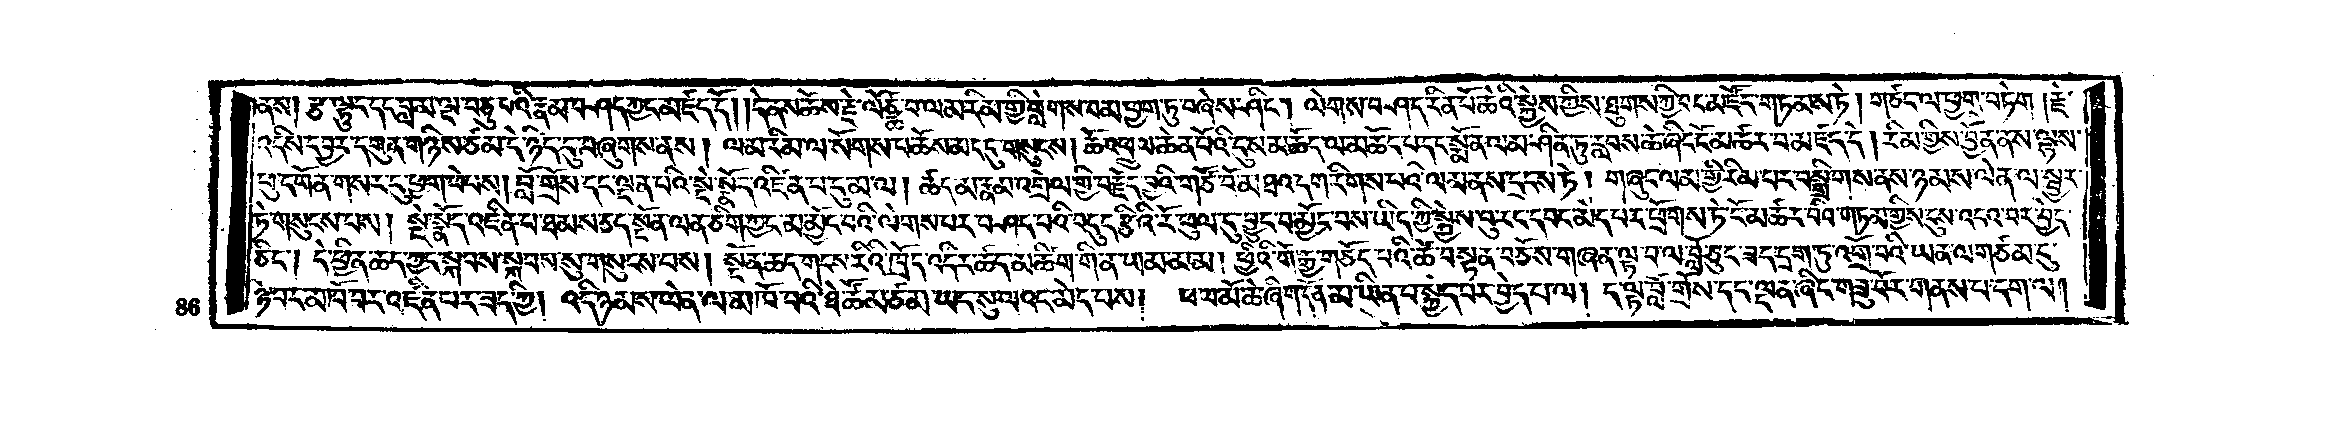ནས། རྩ་ལྟུང་དང་བླ་མ་ལྔ་བཅུ་པའི་རྣམ་བཤད་ཀྱང་མཛད་དོ། །དེ་ནས་ཆོས་རྗེ་ལོཙྪ་བ་ལམ་རིམ་གྱི་གླེགས་བམ་ཕྱག་ཏུ་བཞེས་ཤིང་། ལེགས་བཤད་རིན་པོ་ཆེའི་སྐྱེས་ཀྱིས་ཐུགས་ཀྱི་བང་མཛོད་གཏམས་ཏེ། གཙང་ལ་ཕྱགས་བཏེག །རྗེ་
འདིས་དབྱར་དགུན་གཉིས་ཙམ་དེ་ཉིད་དུ་བཞུགས་ནས། ལམ་རིམ་ལ་སོགས་པ་ཆོས་མང་དུ་གསུངས། ཆོ་འཕྲུལ་ཆེན་པོའི་དུས་མཆོད་ལ་མཆོད་པ་དང་སྨོན་ལམ་ཤིན་ཏུ་རླབས་ཆེ་ཞིང་ངོ་མཚར་བ་མཛད་དེ། རིམ་གྱིས་བྱོན་ནས་ལྷས་
ཕུ་དགོན་གསར་དུ་ཕྱག་ཕེབས། བློ་གྲོས་དང་ལྡན་པའི་སྡེ་སྣོད་འཛིན་པ་དུ་མ་ལ། ཚད་མ་རྣམ་འགྲེལ་གྱི་བརྗོད་བྱའི་གཙོ་བོ་མཐའ་དག་རིགས་པའི་ལམ་ནས་དྲངས་ཏེ། གཞུང་ལམ་གྱི་རིམ་པར་བསྒྲིགས་ནས་ཉམས་ལེན་ལ་སྦྱར་
ཏེ་གསུངས་པས། སྡེ་སྣོད་འཛིན་པ་ཐམས་ཅད་སྔོན་ལན་ཅིག་ཀྱང་མ་མྱོང་བའི་ལེགས་པར་བཤད་པའི་བདུད་རྩིའི་རོ་ཕུལ་དུ་བྱུང་བ་མྱོང་བས་ཡིད་ཀྱི་སྐྱེས་བུ་རང་དབང་མེད་པར་ཕྲོགས་ཏེ་ངོ་མཚར་བའི་གཏམ་གྱིས་དུས་འདའ་བར་བྱེད་
ཅིང་། དེ་ཕྱིན་ཆད་ཀྱང་སྐབས་སྐབས་སུ་གསུངས་པས། སྔོན་ཆད་གངས་རིའི་ཁྲོད་འདིར་ཚད་མ་ཚིག་གི་ན་ཡམ་མམ། ཕྱིའི་གོ་རྒྱ་གཅོད་པའི་ཚེ་བསྟན་བཅོས་གཞན་ལྟ་བ་ལ་བློ་ཅུང་ཟད་དྲག་ཏུ་འགྲོ་བའི་ཡན་ལག་གཙམ་དུ་
ཉེ་བར་མཁོ་བར་འཛིན་པར་ཟད་ཀྱི། འདི་ཉམས་ལེན་ལ་མཁོ་བའི་ཐེ་ཚོམ་ཙམ་ཡང་སུ་ལའང་མེད་པས། ཕ་ལ་མོ་ཆེ་ཞིག་དོན་མ་ཡིན་པ་སྐྱེད་པར་བྱེད་པ་ལ། ད་ལྟ་བློ་གྲོས་དང་ལྡན་ཞིང་གཟུ་བོར་གནས་པ་དག་ལ།